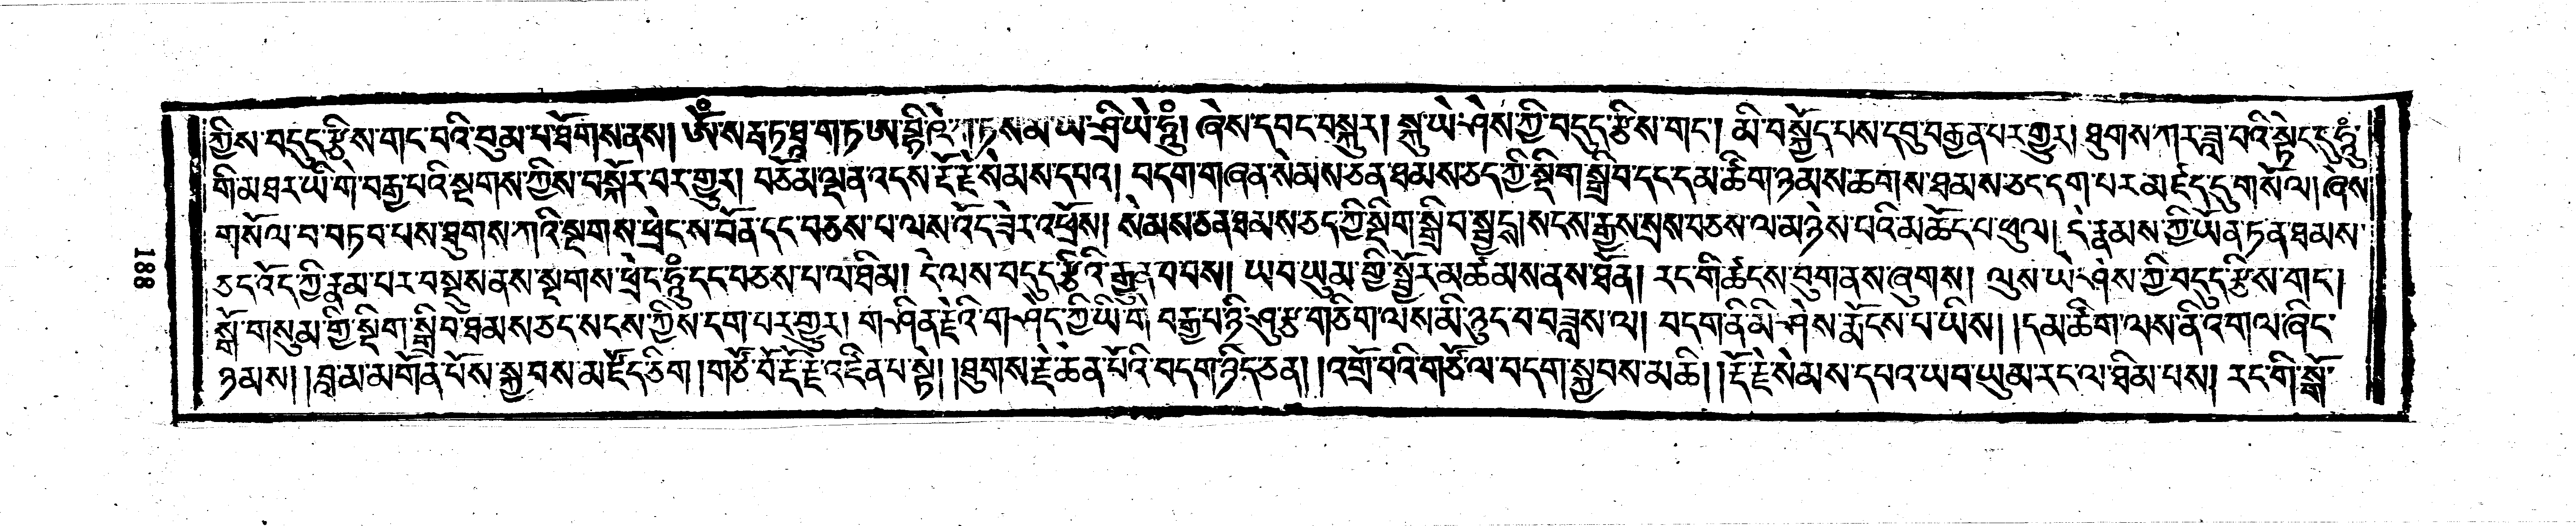ཀྱིས་བདུད་རྩིས་གང་བའི་བུམ་པ་ཐོགས་ནས། ཨོཾ་སརྦ་ཏ་ཐཱ་ག་ཏ་ཨ་བྷི་ཥེ་ཀ་ཏ་ས་མ་ཡ་ཤྲི་ཡེ་ཧཱུཾ། ཞེས་དབང་བསྐུར། སྐུ་ཡེ་ཤེས་ཀྱི་བདུད་རྩིས་གང་། མི་བསྐྱོད་པས་དབུ་བརྒྱན་པར་གྱུར། ཐུགས་ཀར་ཟླ་བའི་སྟེང་དུ་ཧཱུཾ་
གི་མཐར་ཡི་གེ་བརྒྱ་པའི་སྔགས་ཀྱིས་བསྐོར་བར་གྱུར། བཅོམ་ལྡན་འདས་རྡོ་རྗེ་སེམས་དཔའ། བདག་གཞན་སེམས་ཅན་ཐམས་ཅད་ཀྱི་སྡིག་སྒྲིབ་དང་དམ་ཚིག་ཉམས་ཆགས་ཐམས་ཅད་དག་པར་མཛད་དུ་གསོལ། ཞེས་
གསོལ་བ་བཏབ་པས་ཐུགས་ཀའི་སྔགས་ཕྲེང་ས་བོན་དང་བཅས་པ་ལས་འོད་ཟེར་འཕྲོས། སེམས་ཅན་ཐམས་ཅད་ཀྱི་སྡིག་སྒྲིབ་སྦྱངས། སངས་རྒྱས་སྲས་བཅས་ལ་མཉེས་པའི་མཆོད་པ་ཕུལ། དེ་རྣམས་ཀྱི་ཡོན་ཏན་ཐམས་
ཅད་འོད་ཀྱི་རྣམ་པར་བསྡུས་ནས་སྔགས་ཕྲེང་ཧཱུཾ་དང་བཅས་པ་ལ་ཐིམ། དེ་ལས་བདུད་རྩིའི་རྒྱུན་བབས། ཡབ་ཡུམ་གྱི་སྦྱོར་མཚམས་ནས་ཐོན། རང་གི་ཚངས་བུག་ནས་ཞུགས། ལུས་ཡེ་ཤེས་ཀྱི་བདུད་རྩིས་གང་།
སྒོ་གསུམ་གྱི་སྡིག་སྒྲིབ་ཐམས་ཅད་སངས་ཀྱིས་དག་པར་གྱུར། གཤིན་རྗེའི་གཤེད་ཀྱི་ཡི་གེ་བརྒྱ་པ་ཉི་ཤུ་རྩ་གཅིག་ལས་མི་ཉུང་བ་བཟླས་ལ། བདག་ནི་མི་ཤེས་རྨོངས་པ་ཡིས། །དམ་ཚིག་ལས་ནི་འགལ་ཞིང་
ཉམས། །བླ་མ་མགོན་པོས་སྐྱབས་མཛོད་ཅིག །གཙོ་བོ་རྡོ་རྗེ་འཛིན་པ་སྟེ། །ཐུགས་རྗེ་ཆེན་པོའི་བདག་ཉིད་ཅན། །འགྲོ་བའི་གཙོ་ལ་བདག་སྐྱབས་མཆི། །རྡོ་རྗེ་སེམས་དཔའ་ཡབ་ཡུམ་རང་ལ་ཐིམ་པས། རང་གི་སྒོ་